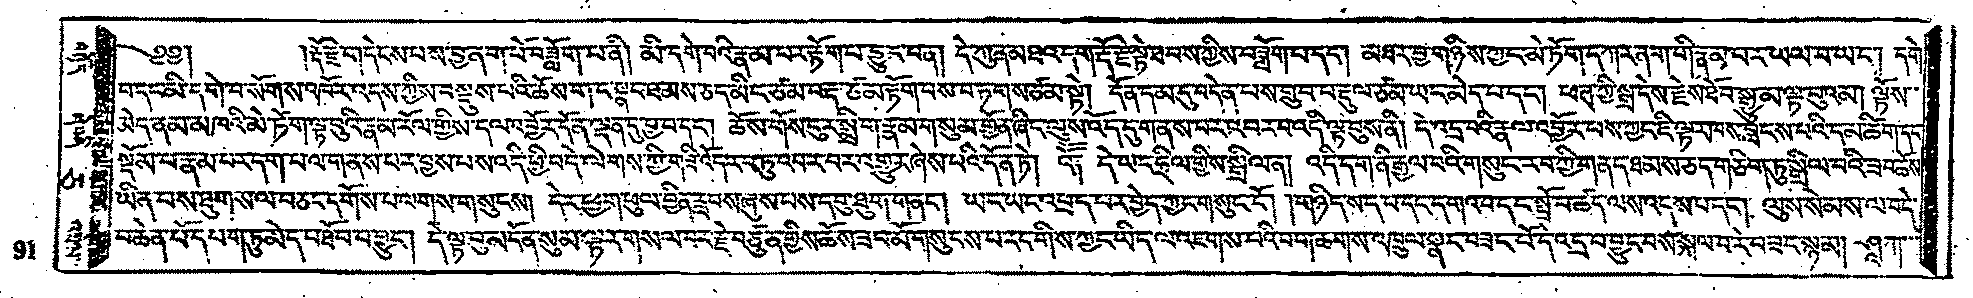༄༅། །རྡོ་རྗེ་གདེངས་པས་བྱ་ནག་པོ་བཟློག་པ་ནི། མི་དགེ་བའི་རྣམ་པར་རྟོག་པ་བྱུང་བ་ན། དེ་ཀུན་མཐའ་དག་རྡོ་རྗེ་སྟེ་ཐབས་ཀྱིས་བཟློག་པ་དང་། མཐར་བྱ་གཉིས་ཀྱང་མེ་ཏོག་དཀར་ནག་གི་རྣམ་པར་ཡལ་བ་ཡང་། དགེ་
བ་དང་མི་དགེ་བ་སོགས་འཁོར་འདས་ཀྱིས་བསྡུས་པའི་ཆོས་གང་སྣང་ཐམས་ཅད་མིང་ཙམ་བརྡ་ཙམ་རྟོག་པས་བཏགས་ཙམ་སྟེ། དོན་དམ་དུ་བདེན་པས་གྲུབ་པ་རྡུལ་ཙམ་ཡང་མེད་པ་དང་། ཕཊ་ཀྱི་སྒྲ་དེས་རྗེས་ཐོབ་སྒྱུ་མ་ལྟ་བུའམ། ལྟོས་
མེད་ནམ་མཁའི་མེ་ཏོག་ལྟ་བུའི་རྣམ་རོལ་གྱིས་དལ་འབྱོར་དོན་ལྡན་དུ་བྱ་བ་དང་། ཆོས་གོས་ངུར་སྨྲིག་རྣམ་གསུམ་གྱོན་ཞིང་ལུས་འོད་དུ་གནས་པར་འབར་བ་འདི་ལྟ་བུས་ནི། དེ་འདྲ་བའི་རྣལ་འབྱོར་པས་ཀྱང་ཇི་ལྟར་ཁས་བླངས་པའི་དམ་ཚིག་དང་
སྡོམ་པ་རྣམ་པར་དག་པ་ལ་གནས་པར་བྱས་པས་འདི་ཕྱི་བདེ་ལེགས་ཀྱི་གཟི་འོད་རབ་ཏུ་འབར་བར་འགྱུར་ཞེས་པའི་དོན་ཏེ། འཽ༑ དེ་ཡང་ཧྲིལ་གྱིས་སྒྲིལ་ན། འདི་དག་ནི་རྒྱལ་བའི་གསུང་རབ་ཀྱི་གནད་ཐམས་ཅད་གཅིག་ཏུ་སྒྲིལ་བའི་ཟབ་ཆོས་
ཡིན་པས་ཐུགས་ལ་བཅང་དགོས་པ་ལགས་གསུངས། དེར་ཕྱག་ཕུལ་བྱིན་རླབས་ཞུས་པས་དབུ་ཐུག་གནང་། ཡང་ཡང་འཕྲད་པར་བྱེད་ཀྱང་གསུང་ངོ། །གཉིད་སད་པ་དང་དགའ་བ་དང་སྤྲོ་བ་ཚད་ལས་འདས་པ་དང་། ལུས་སེམས་ལ་བདེ་
བ་ཆེན་པོ་དཔག་ཏུ་མེད་པ་ཐོབ་པ་བྱུང་། དེ་ལྟ་བུ་མངོན་སུམ་ལྟར་གསལ་བར་རྗེ་བཙུན་གྱིས་ཆོས་ཟབ་མོ་གསུངས་པ་རང་གིས་ཀྱང་ཡིད་ལ་འཇགས་པའི་བག་ཆགས་འཁྲུལ་སྣང་བཟང་པོ་དེ་འདྲ་བ་བྱུང་བས་སྐལ་བ་རེ་བཟང་སྙམ། ཤཱཀ་